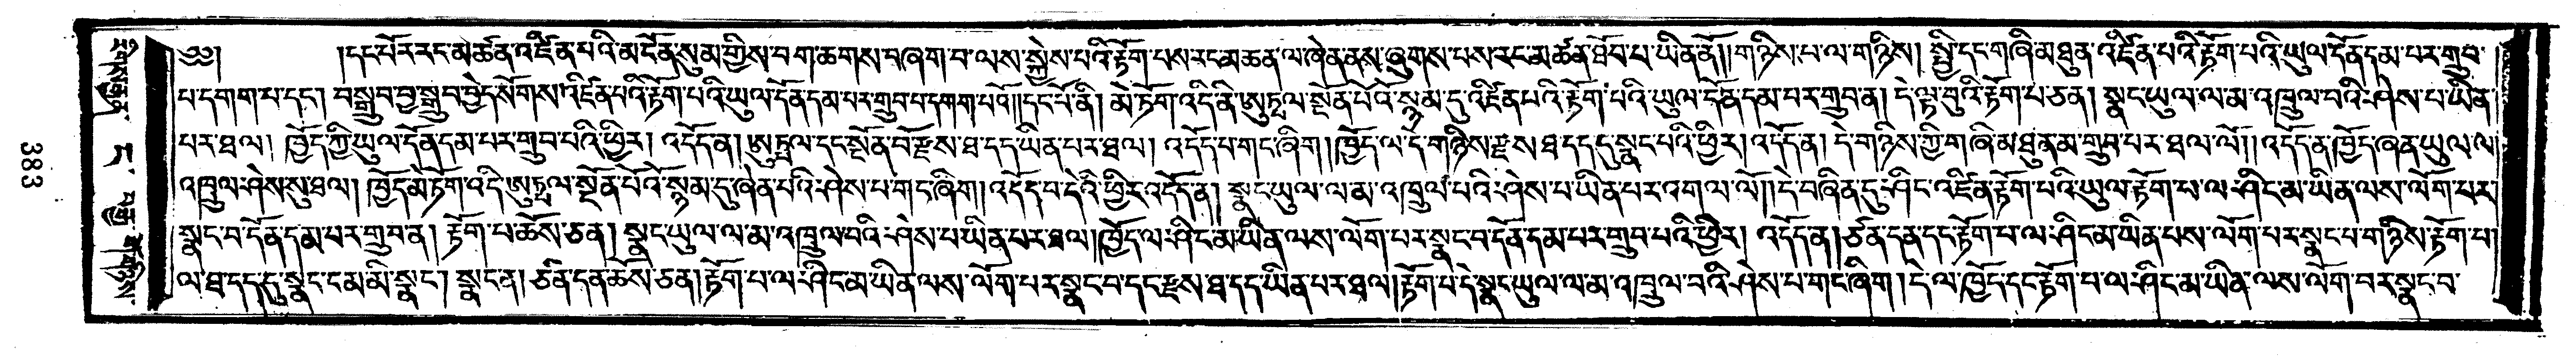༄༅། །དང་པོར་རང་མཚན་འཛིན་པའི་མངོན་སུམ་གྱིས་བག་ཆགས་བཞག་པ་ལས་སྐྱེས་པའི་རྟོག་པས་རང་མཚན་ལ་ཞེན་ནས་ཞུགས་པས་རང་མཚན་ཐོབ་པ་ཡིན་ནོ། །གཉིས་པ་ལ་གཉིས། སྤྱི་དང་གཞི་མཐུན་འཛིན་པའི་རྟོག་པའི་ཡུལ་དོན་དམ་པར་གྲུབ་
པ་དགག་པ་དང་། བསྒྲུབ་བྱ་སྒྲུབ་བྱེད་སོགས་འཛིན་པའི་རྟོག་པའི་ཡུལ་དོན་དམ་པར་གྲུབ་པ་དགག་པའོ། །དང་པོ་ནི། མེ་ཏོག་འདི་ནི་ཨུཏྤལ་སྔོན་པོའོ་སྙམ་དུ་འཛིན་པའི་རྟོག་པའི་ཡུལ་དོན་དམ་པར་གྲུབ་ན། དེ་ལྟ་བུའི་རྟོག་པ་ཅན། སྣང་ཡུལ་ལ་མ་འཁྲུལ་བའི་ཤེས་པ་ཡིན་
པར་ཐལ། ཁྱོད་ཀྱི་ཡུལ་དོན་དམ་པར་གྲུབ་པའི་ཕྱིར། འདོད་ན། ཨུཏྤལ་དང་སྔོན་པ་རྫས་ཐ་དད་ཡིན་པར་ཐལ། འདོད་པ་གང་ཞིག །ཁྱོད་ལ་དེ་གཉིས་རྫས་ཐ་དད་དུ་སྣང་བའི་ཕྱིར། འདོད་ན། དེ་གཉིས་ཀྱི་གཞི་མཐུན་མ་གྲུབ་པར་ཐལ་ལོ། །འདོད་ན་ཁྱོད་ཞེན་ཡུལ་ལ་
འཁྲུལ་ཤེས་སུ་ཐལ། ཁྱོད་མེ་ཏོག་འདི་ཨུཏྤལ་སྔོན་པོའོ་སྙམ་དུ་ཞེན་པའི་ཤེས་པ་གང་ཞིག །འདོད་པ་དེའི་ཕྱིར་འདོད་ན། སྣང་ཡུལ་ལ་མ་འཁྲུལ་བའི་ཤེས་པ་ཡིན་པར་འགལ་ལོ། །དེ་བཞིན་དུ་ཤིང་འཛིན་རྟོག་པའི་ཡུལ་རྟོག་པ་ལ་ཤིང་མ་ཡིན་ལས་ལོག་པར་
སྣང་བ་དོན་དམ་པར་གྲུབ་ན། རྟོག་པ་ཆོས་ཅན། སྣང་ཡུལ་ལ་མ་འཁྲུལ་བའི་ཤེས་པ་ཡིན་པར་ཐལ། ཁྱོད་ལ་ཤིང་མ་ཡིན་ལས་ལོག་པར་སྣང་བ་དོན་དམ་པར་གྲུབ་པའི་ཕྱིར། འདོད་ན། ཙན་དན་དང་རྟོག་པ་ལ་ཤིང་མ་ཡིན་པས་ལོག་པར་སྣང་བ་གཉིས་རྟོག་པ་
ལ་ཐ་དད་དུ་སྣང་ངམ་མི་སྣང་། སྣང་ན། ཙན་དན་ཆོས་ཅན། རྟོག་པ་ལ་ཤིང་མ་ཡིན་ལས་ལོག་པར་སྣང་བ་དང་རྫས་ཐ་དད་ཡིན་པར་ཐལ། རྟོག་པ་དེ་སྣང་ཡུལ་ལ་མ་འཁྲུལ་བའི་ཤེས་པ་གང་ཞིག །དེ་ལ་ཁྱོད་དང་རྟོག་པ་ལ་ཤིང་མ་ཡིན་ལས་ལོག་པར་སྣང་བ་